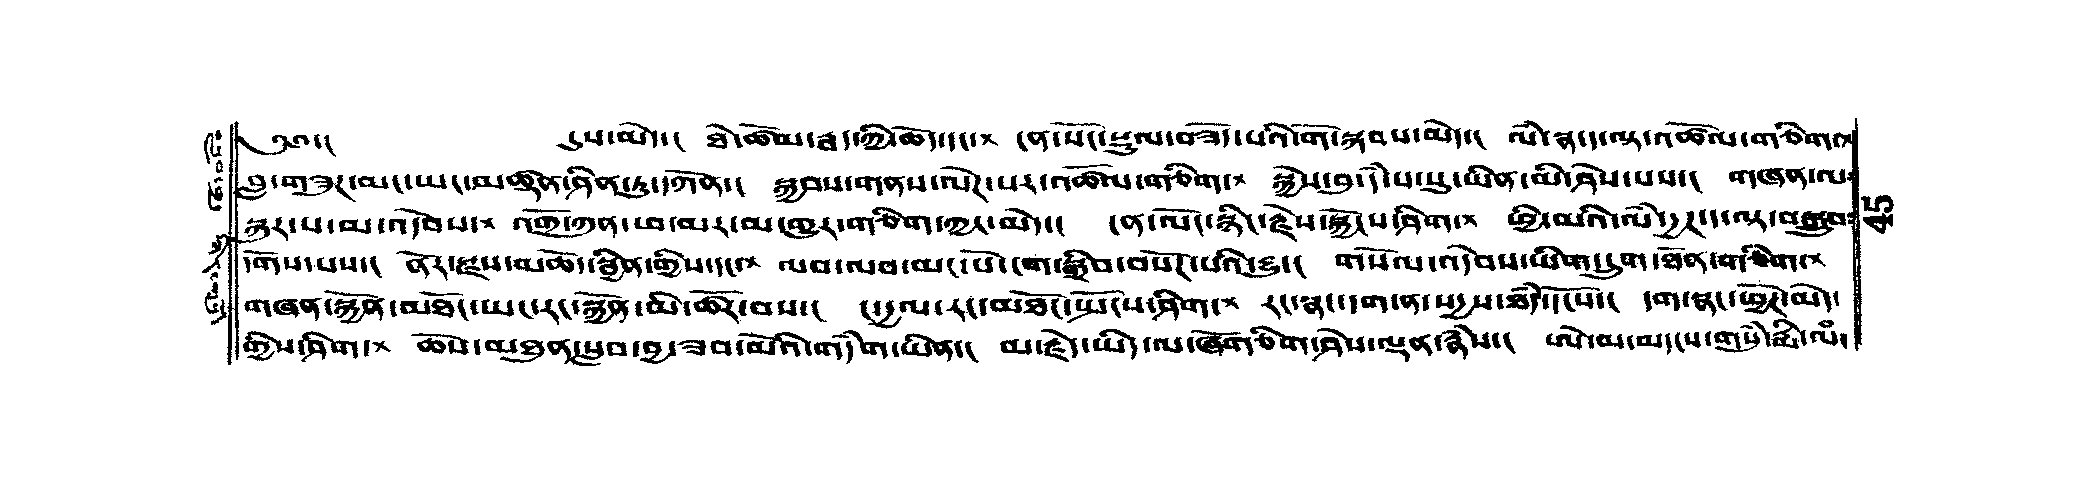དུས་མེད། །ཐེ་ཚོམ་རྦད་ཀྱི་ཆོད་དང་ཤེས་ལྡན་རྣམས། །ངན་སོང་སྡུག་བསྔལ་བཟོད་པའི་གོ་སྐབས་མེད། །ལམ་སྣ་ད་ལྟ་འཚོལ་གཅིག་ཤེས་ལྡན་རྣམས་
བླ་གཟུགས་མང་ཡང་མཚན་ལྡན་ཤིན་ཏུ་དཀོན། །སྐྱབས་གནས་ལེགས་པར་འཚོལ་གཅིག་ཤེས་ལྡན་རྣམས། །སྐྱེས་བུ་དམ་པ་སུ་ཡིན་མི་ཤེས་པས། །གཞན་ལ་
སྐུར་པ་མ་འདེབས་ཤེས་ལྡན་རྣམས། །འགྲོ་ཀུན་ཕ་མར་མ་གྱུར་གཅིག་ཀྱང་མེད། །ངན་ལོང་སྙིང་རྗེས་སྐྱོངས་ཤིག་ཤེས་ལྡན་རྣམས། །ཕྱི་མའི་ལམ་རྒྱགས་ད་ལྟ་བསྒྲུབ་
དགོས་པས། །ནོར་རྫས་མཆོད་སྦྱིན་གྱིས་དང་ཤེས་ལྡན་རྣམས། །ལབ་ལབ་མང་པོས་ངག་སྒྲིབ་བསོག་པའི་རྒྱུ། །གསོལ་འདེབས་ཡིག་དྲུག་ཐོན་ཅིག་ཤེས་ལྡན་རྣམས། །
གཞན་སྐྱོན་མཐོང་ཡང་རང་སྐྱོན་མི་ཚོར་བས། །ང་རྒྱལ་རང་མཐོང་སྤོངས་ཤིག་ཤེས་ལྡན་རྣམས། །རང་སྣང་དག་ན་སངས་རྒྱས་ཐམས་ཅད་དངོས། །དག་སྣང་ཕྱོགས་མེད་
གྱིས་ཤིག་ཤེས་ལྡན་རྣམས། །ཆོས་མཐུན་བསླབ་བྱ་ཟབ་མོའི་གདམས་ངག་ཡིན། །མ་བརྗེད་ཡིད་ལ་ཞོག་ཅིག་ཤེས་ལྡན་རྣམས། །ཨེ་མ་མདང་གསུམ་རྨི་ལམ་